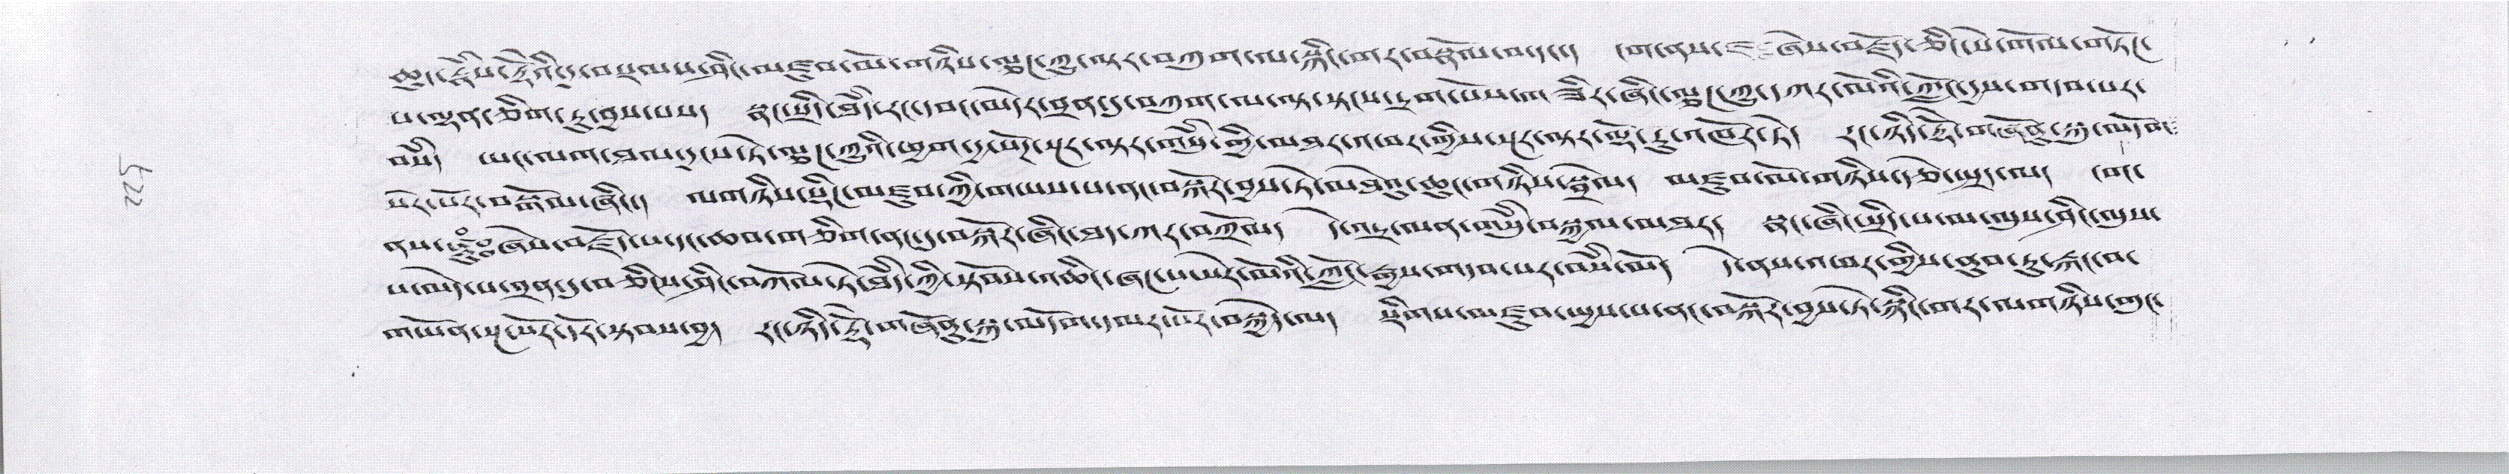ཆུང་རྣམས་རྡོ་རྗེའི་རྒྱ་བསྡམས་ཤིང་མཛུབ་མོ་གཉིས་ལྕཀྱུ་ལྟར་བཀུག་ལ་སྙིང་གར་བསྣོལ་བ་དང་། ངག་ནས་ཛ་ཞེས་བརྗོད་ཅིང་སེ་གོལ་གཏོགས་
པ་ལྷན་ཅིག་ཏུ་བྱས་པས། སྣང་སྲིད་ཐམས་ཅད་རང་དབང་མེད་པར་བྲན་དུ་བཀུག་ལ་ལྟ་སྟངས་དྲག་པོས་གཟིར་ཞིང་ལྕཀྱུ་དཀར་མོའི་ཀློང་རྒྱས་གདབ་པར་
བསམ། ཡང་ལག་ཐལ་སྦྱངས་ཏེ་ལྕཀྱུའི་ཕྱག་རྒྱ་སོགས་སྔར་ལྟར་གསུམ་གྱི་མཐར་འཕར་གྱིས་སྔར་ལྟར་ལྷོ་རུ་འཁོར་ཏེ། རང་ཉིད་རྡོ་རྗེ་གཞོན་ནུ་སྐུ་མདོག་
སེར་པོར་བསྒོམ་ཞིང་། ལག་གཉིས་སྡིགས་མཛུབ་ཀྱིས་གཡས་པ་ནང་བསྐོར་བྱས་ཏེ་མཐེའུ་ཆུང་གཉིས་སྦྲེལ། མཛུབ་མོ་གཉིས་རྩེ་སྤྲད་ལ། ངག་
ནས་ཧཱུཾཿཞེས་བརྗོད་པ་དང་ཆབས་ཅིག་ནང་དུ་བཀོལ་ཞིང་ཐད་ཀར་བཀྲོལ། དེ་འདྲ་ལན་གསུམ་བསྐྱལ་མཐར། སྣང་ཞིང་སྲིད་པ་མ་ལུས་ཤིང་ལུས་
པ་མེད་པར་བྲན་དུ་བཅིང་ཞིང་བཀོལ་ཏེ་ཐམས་ཅད་ཀྱི་སྟོབས་འཆིང་ཞགས་པ་སེར་མོའི་ཀློང་རྒྱས་གདབ་པར་བསམ་མོ། དེ་ནས་འཕར་གྱིས་ནུབ་ཏུ་རྐང་པ་
སྔ་སོར་དོར་སྟབས་བྱ། རང་ཉིད་རྡོ་རྗེ་གཞོན་ནུ་སྐུ་མདོག་དམར་པོར་བསྐྱེད་ལ། སྡིགས་མཛུབ་གཡས་པ་ནང་བསྐོར་བྱས་ཏེ་སྙིང་གར་ལག་གཉིས་གུང་